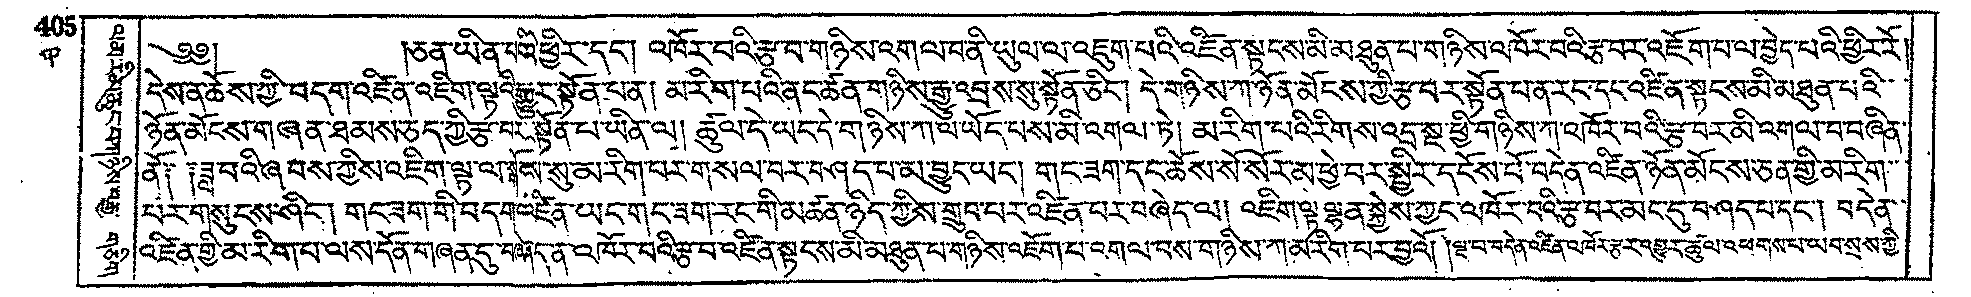༄༅། །ཅན་ཡིན་པའི་ཕྱིར་དང་། འཁོར་བའི་རྩ་བ་གཉིས་འགལ་བ་ནི་ཡུལ་ལ་འཇུག་པའི་འཛིན་སྟངས་མི་མཐུན་པ་གཉིས་འཁོར་བའི་རྩ་བར་འཇོག་པ་ལ་བྱེད་པའི་ཕྱིར་རོ།
དེས་ན་ཆོས་ཀྱི་བདག་འཛིན་འཇིག་ལྟའི་རྒྱུར་སྟོན་པ་ན། མ་རིག་པའི་ནང་ཚན་གཉིས་རྒྱུ་འབྲས་བུ་སྟོན་ཅིང་། དེ་གཉིས་ཀ་ཉོན་མོངས་ཀྱི་རྩ་བར་སྟོན་པ་ན་རང་དང་འཛིན་སྟངས་མི་མཐུན་པའི་
ཉོན་མོངས་གཞན་ཐམས་ཅད་ཀྱི་རྩ་བར་སྟོན་པ་ཡིན་ལ། ཚུལ་དེ་ཡང་དེ་གཉིས་ཀ་ལ་ཡོད་པས་མི་འགལ་ཏེ། མ་རིག་པའི་རིགས་འདྲ་སྔ་ཕྱི་གཉིས་ཀ་ལ་འཁོར་བའི་རྩ་བར་མི་འགལ་བ་བཞིན་
ནོ༑ ༑ཟླ་བའི་ཞབས་ཀྱིས་འཇིག་ལྟ་ལ་སྒོས་སུ་མ་རིག་པར་གསལ་བར་བཤད་པ་མ་བྱུང་ཡང་། གང་ཟག་དང་ཆོས་སོ་སོར་མ་ཕྱེ་བར་སྤྱིར་དངོས་པོ་བདེན་འཛིན་ཉོན་མོངས་ཅན་གྱི་མ་རིག་
པར་གསུངས་ཤིང་། གང་ཟག་གི་བདག་འཛིན་ཡང་གང་ཟག་རང་གི་མཚན་ཉིད་ཀྱིས་གྲུབ་པར་འཛིན་པར་བཞེད་ལ། འཇིག་ལྟ་ལྷན་སྐྱེས་ཀྱང་འཁོར་བའི་རྩ་བར་མང་དུ་བཤད་པ་དང་། བདེན་
འཛིན་གྱི་མ་རིག་པ་ལས་དོན་གཞན་དུ་བཞེད་ན་འཁོར་བའི་རྩ་བ་འཛིན་སྟངས་མི་མཐུན་པ་གཉིས་འཇོག་པ་འགལ་བས་གཉིས་ཀ་མ་རིག་པར་བྱའོ། །ལྔ་པ་བདེན་འཛིན་འཁོར་རྩར་འགྱུར་ཚུལ་འཕགས་པ་ཡབ་སྲས་ཀྱི་